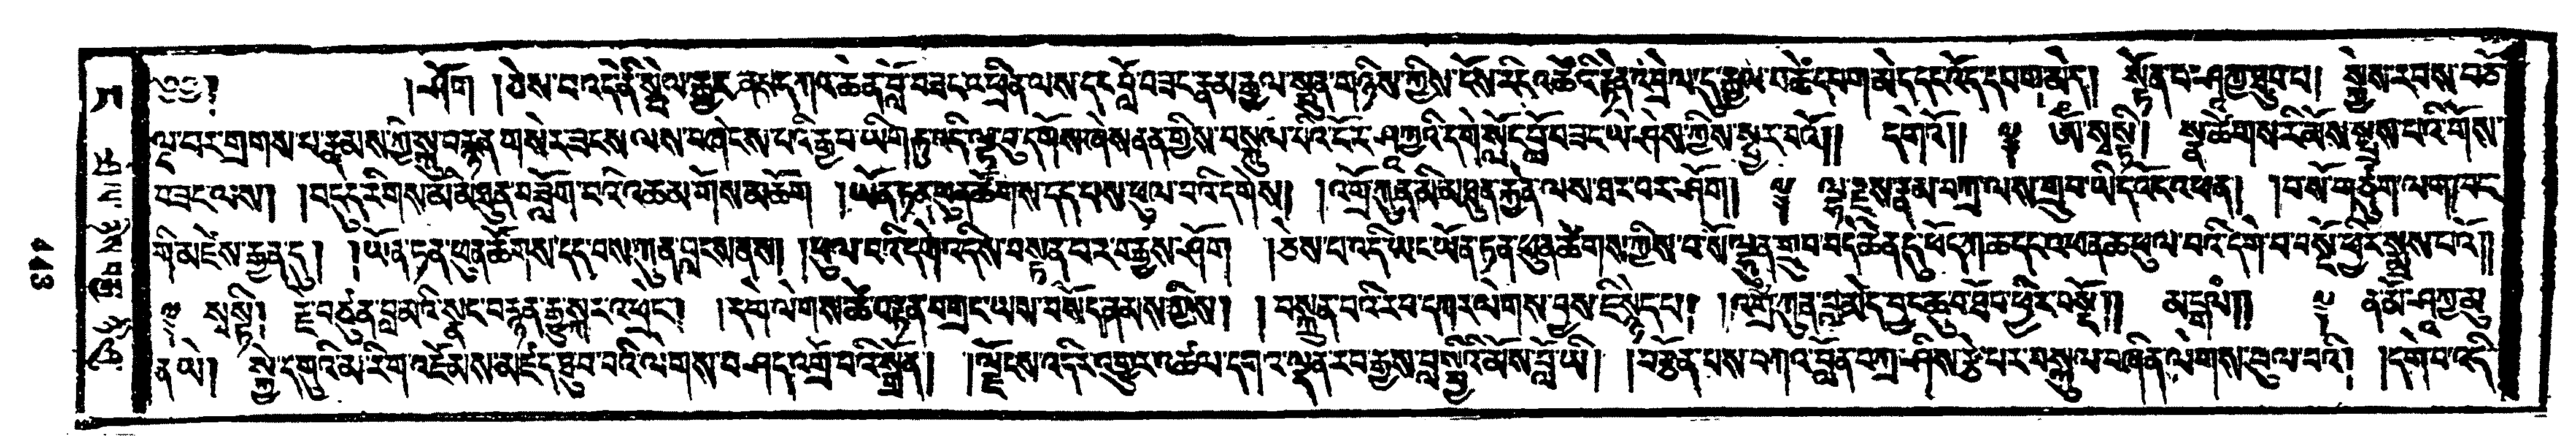༄༅། །ཤོག །ཅེས་བ་འདི་ནི་སྦེལ་རྒྱང་ནས་དཀའ་ཆེན་བློ་བཟང་འཕྲིན་ལས་དང་བློ་བཟང་རྣམ་རྒྱལ་སྤུན་གཉིས་ཀྱིས་ངོས་རིང་འཚེའི་རྟེན་འབྲེལ་དུ་རྒྱལ་བ་ཚེ་དཔག་མེད་དང་འོད་དཔག་མེད། སྟོན་བ་ཤཱཀྱ་ཐུབ་པ། སྐྱེས་རབས་བཅོ་
ལྔ་བར་གྲགས་པ་རྣམས་ཀྱི་སྐུ་བརྙན་གསེར་ཟངས་ལས་བཞེངས་པའི་རྒྱབ་ཡིག་ཏུ་འདི་ལྟ་བུ་དགོས་ཞེས་ནན་གྱིས་བསྐུལ་པའི་ངོར་ཤཱཀྱའི་དགེ་སློང་བློ་བཟང་ཡེ་ཤེས་ཀྱིས་སྦྱར་བའོ།། དགེའོ།། ༈ ཨོཾ་སྭྶྟི། སྣ་ཚེགས་རི་མོས་སྤྲས་པའི་གོས་
བཟང་ལས། །བདུད་རིགས་མི་མཐུན་བཟློག་བའི་འཆམ་གོས་མཆོག །ཡོན་ཏན་ཕུན་ཚོགས་དད་པས་ཕུལ་བའི་དགེས། །འགྲོ་ཀུན་མི་མཐུན་རྐྱེན་ལས་ཐར་བར་ཤོག། ༈ ལྷ་རྫས་རྣམ་བཀྲ་ལས་གྲུབ་ཡིད་འོང་འཕན། །བ་སོ་གཙུག་ལག་ཁང་
གི་མཛེས་རྒྱན་དུ།། ཡོན་ཏན་ཕུན་ཚོགས་དད་བས་ཀུན་བླངས་ནས། །ཕུལ་བའི་དགེ་འདིས་བསྟན་བར་བ་རྒྱས་ཤོག །ཅེས་པ་འདི་ཡང་ཡོན་ཏན་ཕུན་ཚོགས་ཀྱིས་བ་སོ་ལྷུན་གྲུབ་བདེ་ཆེན་དུ་ཕོད་ཀ་ཆ་དང་འཕན་ཕུལ་བའི་དགེ་བ་བསྔོ་ཕྱིར་སྨྲས་བའོ།།
༈ སྭྶྟི། རྗེ་བཙུན་བླ་མའི་སྣང་བརྙན་རྒྱུ་སྐར་འཕྲེང་། །དགེ་ལེགས་ཚེ་བརྟན་བགྲང་ཡས་བསོད་ནམས་ཀྱིས། །བསྐྲུན་པའི་རབ་དཀར་ལེགས་བྱས་ཇི་སྙེད་པ། །འགྲོ་ཀུན་བླ་མེད་བྱང་ཆུབ་ཐོབ་ཕྱིར་བསྔོ།། མངྒཾ།། ༈ ན་མོ་ཤྰྐྱ་མུ་
ན་ཡེ། སྐྱེ་དགུའི་མ་རིག་འཛོམས་མཛད་ཐུབ་བའི་ལེགས་བཤད་འགྲོ་བའི་སྒྲོན། །ལྗོངས་འདིར་འགྱུར་འཚལ་དགའ་ལྡན་རབ་རྒྱས་བླ་སྤྱིའི་མོས་བློ་ཡི། །བརྩོན་པས་བཀའ་བློན་བཀྲ་ཤིས་རྩེ་པར་བསྐུལ་བཞིན་ལེགས་ཕུལ་བའི། །དགེ་བ་འདི་